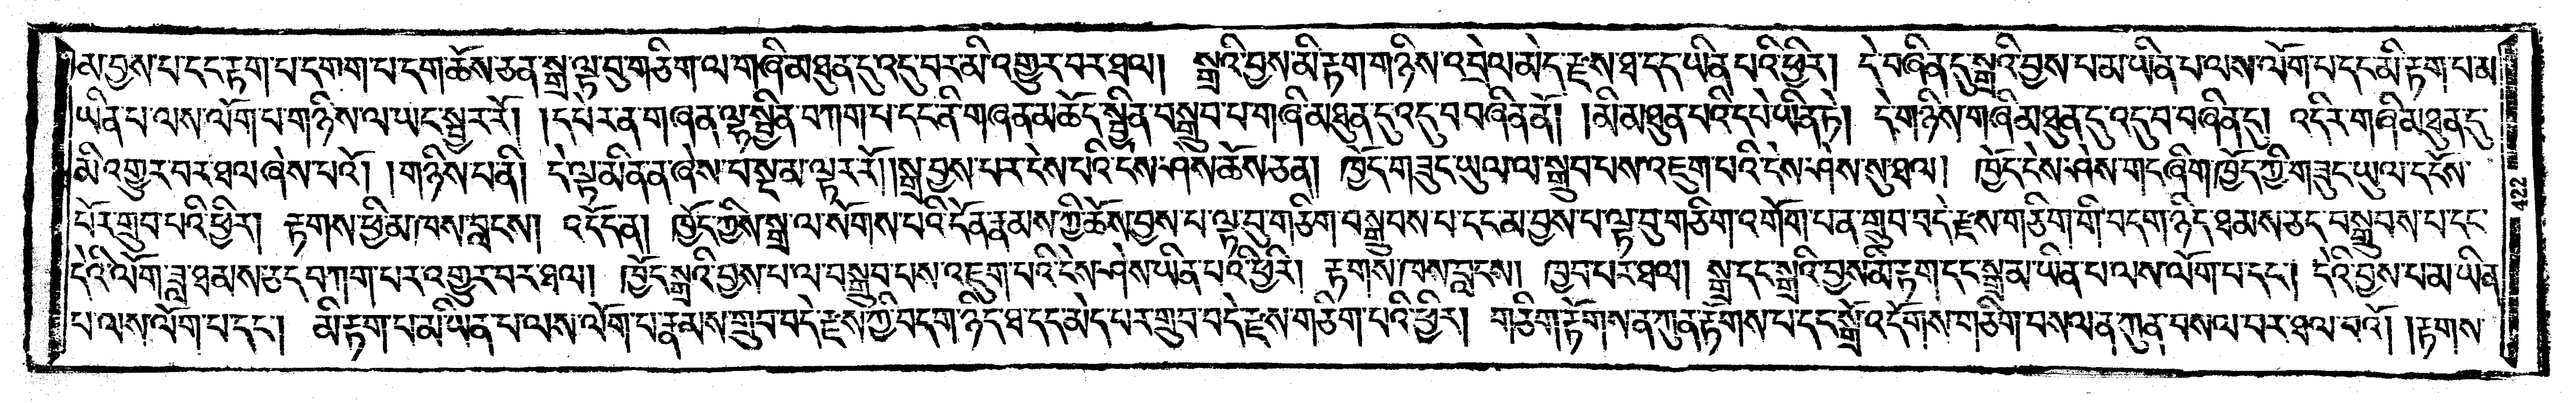མ་བྱས་པ་དང་རྟག་པ་དགག་པ་དག་ཆོས་ཅན་སྒྲ་ལྟ་བུ་གཅིག་ལ་གཞི་མཐུན་དུ་འདུ་བར་མི་འགྱུར་བར་ཐལ། སྒྲའི་བྱས་མི་རྟག་གཉིས་འབྲེལ་མེད་རྫས་ཐ་དད་ཡིན་པའི་ཕྱིར། དེ་བཞིན་དུ་སྒྲའི་བྱས་པ་མ་ཡིན་པ་ལས་ལོག་པ་དང་མི་རྟག་པ་མ་
ཡིན་པ་ལས་ལོག་པ་གཉིས་ལ་ཡང་སྦྱར་རོ། །དཔེར་ན་གཞན་ལྷ་སྦྱིན་བཀག་པ་དང་ནི་གཞན་མཆོད་སྦྱིན་བསྒྲུབ་པ་གཞི་མཐུན་དུ་འདུ་བ་བཞིན་ནོ། །མི་མཐུན་པའི་དཔེ་ཡིན་ཏེ། དེ་གཉིས་གཞི་མཐུན་དུ་འདུ་བ་བཞིན་དུ། འདིར་གཞི་མཐུན་དུ་
མི་འགྱུར་བར་ཐལ་ཞེས་པའོ། །གཉིས་པ་ནི། དེ་ལྟ་མིན་ན་ཞེས་པ་སྔ་མ་ལྟར་རོ། །སྒྲ་བྱས་པར་ངེས་པའི་ངེས་ཤེས་ཆོས་ཅན། ཁྱོད་གཟུང་ཡུལ་ལ་སྒྲུབ་པས་འཇུག་པའི་ངེས་ཤེས་སུ་ཐལ། ཁྱོད་ངེས་ཤེས་གང་ཞིག་ཁྱོད་ཀྱི་གཟུང་ཡུལ་དངོས་
པོར་གྲུབ་པའི་ཕྱིར། རྟགས་ཕྱི་མ་ཁས་བླངས། འདོད་ན། ཁྱོད་ཀྱིས་སྒྲ་ལ་སོགས་པའི་དོན་རྣམས་ཀྱི་ཆོས་བྱས་པ་ལྟ་བུ་གཅིག་བསྒྲུབས་པ་དང་མ་བྱས་པ་ལྟ་བུ་གཅིག་འགོག་པ་ན་གྲུབ་བདེ་རྫས་གཅིག་གི་བདག་ཉིད་ཐམས་ཅད་བསྒྲུབས་པ་དང་
དེའི་ལོག་ཟླ་ཐམས་ཅད་བཀག་པར་འགྱུར་བར་ཐལ། ཁྱོད་སྒྲའི་བྱས་པ་ལ་བསྒྲུབ་པས་འཇུག་པའི་ངེས་ཤེས་ཡིན་པའི་ཕྱིར། རྟགས་ཁས་བླངས། ཁྱབ་པར་ཐལ། སྒྲ་དང་སྒྲའི་བྱས་མི་རྟག་དང་སྒྲ་མ་ཡིན་པ་ལས་ལོག་པ་དང་། དེའི་བྱས་པ་མ་ཡིན་
པ་ལས་ལོག་པ་དང་། མི་རྟག་པ་མ་ཡིན་པ་ལས་ལོག་པ་རྣམས་གྲུབ་བདེ་རྫས་ཀྱི་བདག་ཉིད་ཐ་དད་མེད་པར་གྲུབ་བདེ་རྫས་གཅིག་པའི་ཕྱིར། གཅིག་རྟོགས་ན་ཀུན་རྟོགས་པ་དང་སྒྲོ་འདོགས་གཅིག་བསལ་ན་ཀུན་བསལ་བར་ཐལ་བའོ། །རྟགས་